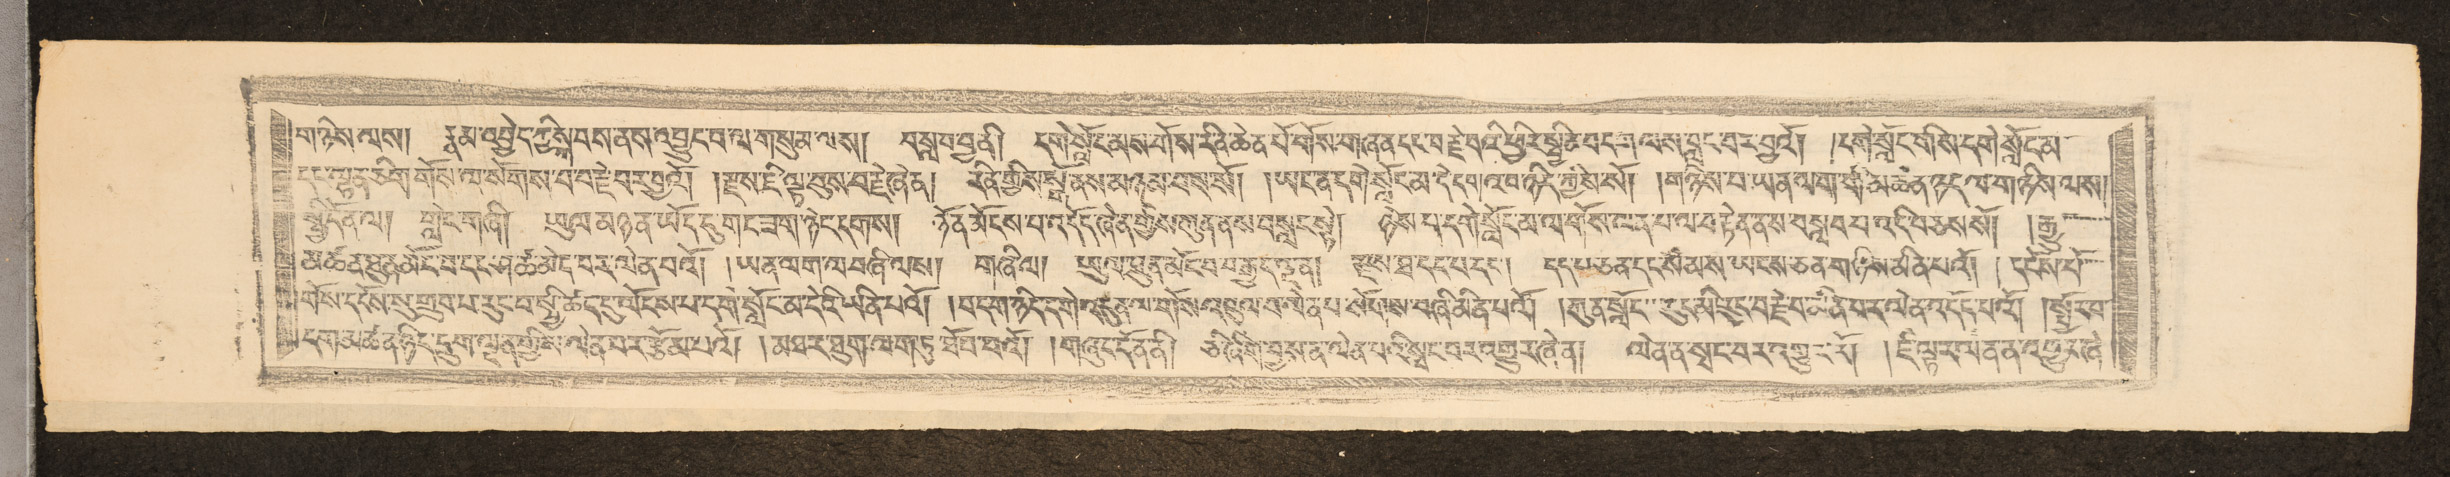གཉིས་ལས། རྣམ་འབྱེད་ཀྱི་སྐབས་ནས་འབྱུང་བ་ལ་གསུམ་ལས། བསླབ་བྱ་ནི། དགེ་སློང་མས་གོས་རིན་ཆེན་པོ་གོས་གཞན་དང་བརྗེ་བའི་ཕྱིར་སྦྱིན་པ་དང་།ལས་བླང་བར་བྱའོ། །དགེ་སློང་གིས་དགེ་སློང་མ་
དང་ལྷན་ཅིག་གོས་ལ་སོགས་པ་བརྗེ་བར་བྱའོ། །རྗས་ཇི་ལྟ་བུས་བ་རྗེ་ཞེ་ན། རིན་གྱིས་སྒོ་ནས་མཉམ་པས་སོ། །ཡང་ན་དགེ་སློང་མ་དེ་དགའ་བ་ཉིད་ཀྱིས་སོ། །གཉིས་པ་ཡན་ལག་གི་མཚན་ཉིད་ལ་གཉིས་ལས།
སྤྱི་དོན་ལ། གླེང་གཞི། ཡུལ་མཉན་ཡོད་དུ་གང་ཟག་ཉེར་དགས། ཉོན་མོངས་པ་འདོད་ཞེན་གྱིས་ཀུན་ནས་བསླང་སྟེ། ཉེས་པ་དགེ་སློང་མ་ལ་གོས་ལེན་པ་ལ་བརྟེན་ནས་བསླབ་པ་འདི་བཅས་སོ་།རྒྱུ་
མཚན་ཐུན་མོང་བ་དང་ཤ་ཚ་མེད་པར་ལེན་པའོ། །ཡན་ལག་ལ་བཞི་ལས། གཞི་ལ། ཡུལ་ཐུན་མོང་བ་བརྒྱད་ལྡན། རྫས་ཐ་དད་པ་དང་། དད་པ་ཅན་དང་སེམས་ཡངས་ཅན་གཉིས་མིན་པའོ། །དངོས་པོ་
གོས་དངོས་སུ་གྲུབ་པ་རུང་བ་སྤྱི་ཚད་དུ་ལོངས་པ་དགེ་སློང་མ་དེའི་ཡིན་པའོ། །བདག་ཉིད་དགེ་འདུན་ལ་གོས་འབུལ་བ་ལེན་པ་སོགས་བཞི་མིན་པའོ། །ཀུན་སློང་རུང་མི་རུང་བརྗེ་བ་མིན་པར་ལེན་འདོད་པའོ། །སྦྱོར་བ་
ངག་མཚན་ཉིད་དྲུག་ལྡན་གྱིས་ལེན་པར་རྩོམ་པའོ། །མཐར་ཐུག་ལག་ཏུ་ཐོབ་པའོ། །གཞུང་དོན་ནི། ཅི་ཞིག་བྱས་ན་ལེན་པའི་སྤང་བར་འགྱུར་ཞེ་ན། ལེན་ན་སྦང་བར་འགྱུར་རོ། །ཇི་ལྟར་ལེན་ན་འགྱུར་ཞེ་